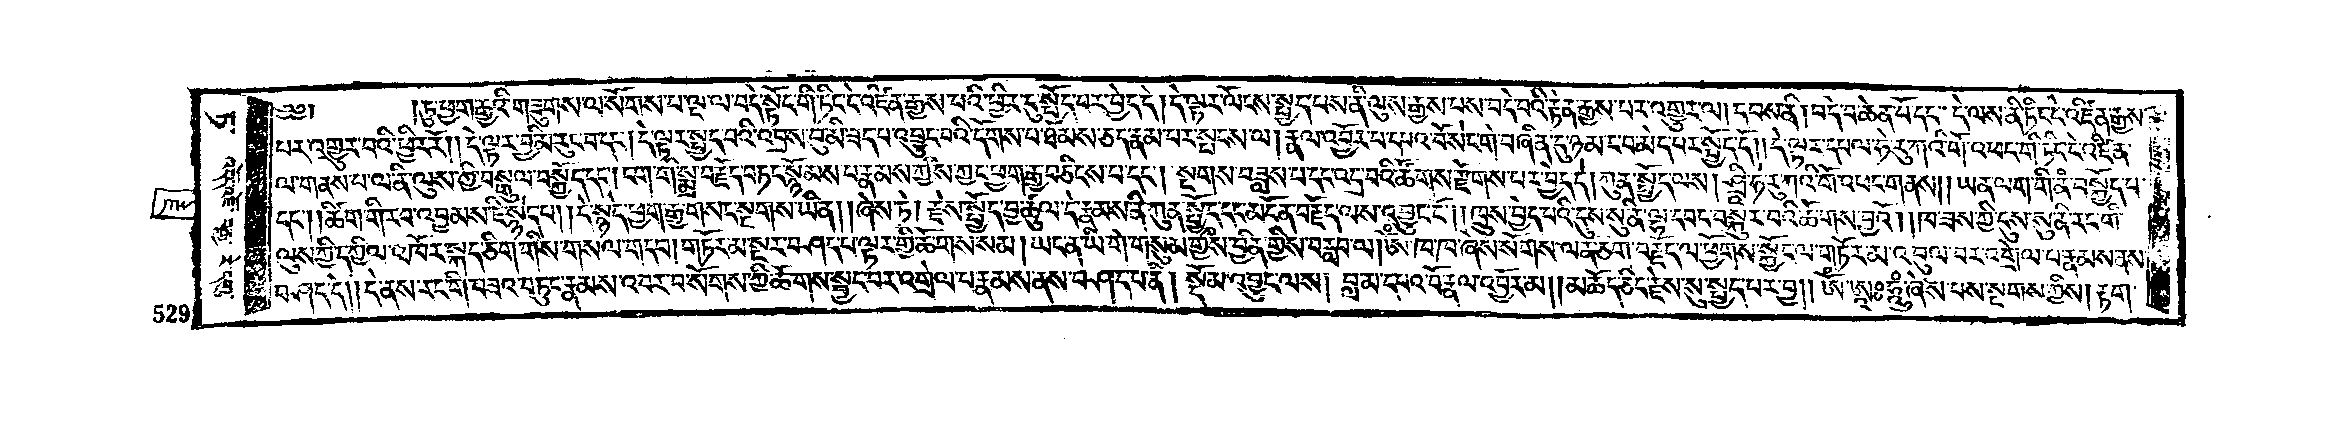༄༅། །ཏུ་ཕྱག་རྒྱའི་གཟུགས་ལ་སོགས་པ་ལྔ་ལ་བདེ་སྟོང་གི་ཏིང་ངེ་འཛིན་རྒྱས་པའི་ཕྱིར་དུ་སྤྱོད་པར་བྱེད་དེ། དེ་ལྟར་ལོངས་སྤྱད་པས་ནི་ལུས་རྒྱས་པས་བདེ་བའི་རྟེན་རྒྱས་པར་འགྱུར་ལ། ད་བས་ནི། བདེ་བ་ཆེན་པོ་དང་དེ་ལས་ནི་ཏིང་ངེ་འཛིན་རྒྱས་
པར་འགྱུར་བའི་ཕྱིར་རོ། །དེ་ལྟར་བྱ་མི་རུང་བ་དང་། དེ་ལྟར་སྤྱད་པའི་འབྲས་བུ་མི་ཟད་པ་འབྱུང་བའི་དོགས་པ་ཐམས་ཅད་རྣམ་པར་སྤངས་ལ། རྣལ་འབྱོར་པ་དཔའ་བོ་སེང་གེ་བཞིན་དུ་ཉམ་ང་བ་མེད་པར་སྤྱོད་དོ། །དེ་ལྟར་དཔལ་ཧེ་རུ་ཀའི་གོ་འཕང་གི་ཏིང་ངེ་འཛིན་
ལ་གནས་པ་ལ་ནི་ལུས་ཀྱི་བསྒུལ་བསྐྱོད་དང་། ངག་གི་སྨྲ་བརྗོད་བཏང་སྙོམས་པ་རྣམས་ཀྱིས་ཀྱང་ཕྱག་རྒྱ་བཅིངས་པ་དང་། སྔགས་བཟླས་པ་དང་འདྲ་བའི་ཚོགས་རྫོགས་པར་བྱེད་དེ། ཀུན་སྤྱོད་ལས། ཤྲཱི་ཧེ་རུ་ཀའི་གོ་འཕང་གནས། །ཡན་ལག་གི་ནཾ་བསྐྱོད་པ་
དང་། །ཚིག་གི་རབ་འབྱམས་ཇི་སྙེད་པ། །དེ་སྙེད་ཕྱག་རྒྱ་གསང་སྔགས་ཡིན། །ཞེས་ཏེ། རྗེས་སྤྱོད་བྱ་ཚུལ་དེ་རྣམས་ནི་ཀུན་སྤྱོད་དང་མངོན་བརྗོད་ལས་འབྱུང་ངོ། །ཁྲུས་བྱེད་པའི་དུས་སུ་ནི་ལྷ་དབང་བསྐུར་བའི་ཆོ་གས་བྱའོ། །ཁ་ཟས་ཀྱི་དུས་སུ་ནི་རང་གི་
ལུས་ཀྱི་དཀྱིལ་འཁོར་སྐད་ཅིག་གིས་གསལ་གདབ། གཏོར་མ་སྔར་བཤད་པ་ལྟར་གྱི་ཆོ་གས་སམ། ཡང་ན་ཡི་གེ་གསུམ་གྱིས་བྱིན་གྱིས་བརླབ་ལ། ཨོཾ་ཁ་ཁ་ཞེས་སོགས་ལན་ཅིག་བརྗོད་ལ་ཕྱོགས་སྐྱོང་ལ་གཏོར་མ་འབུལ་བར་འགྲེལ་པ་རྣམས་ནས་
བཤད་དེ། །དེ་ནས་རང་གི་བཟའ་བཏུང་རྣམས་འབར་བ་སོགས་ཀྱི་ཆོ་གས་སྦྱང་བར་འགྲེལ་པ་རྣམས་ནས་བཤད་པ་ནི། སྡོམ་འབྱུང་ལས། བླ་མ་དཔའ་བོ་རྣལ་འབྱོར་མ། །མཆོད་ཅིང་རྗེས་སུ་སྤྱད་པར་བྱ། ཨོཾ་ཨཱཿ ཧཱུཾ་ཞེས་པས་སྔགས་ཀྱིས། རྟག་